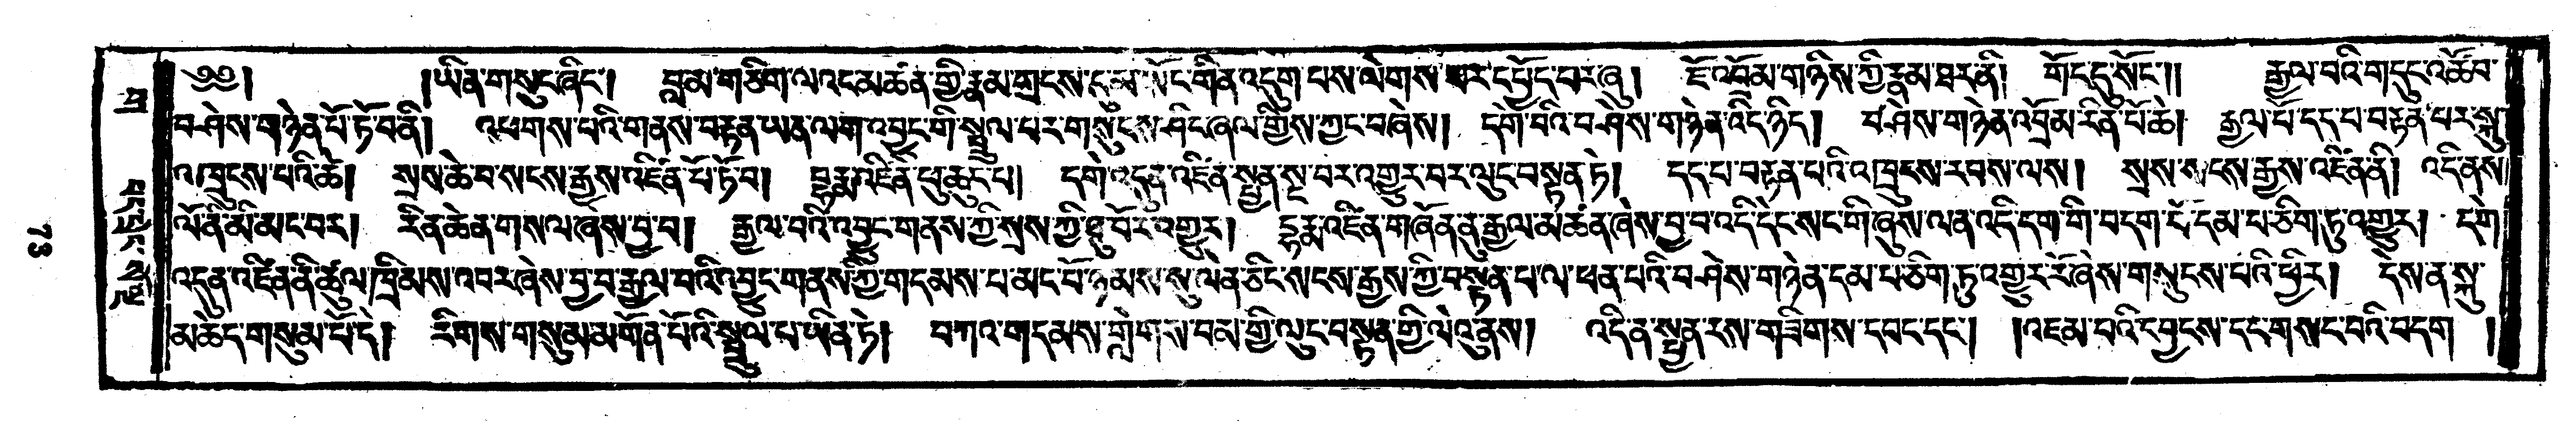༄༅། །ཡིན་གསུང་ཞིང་། བླ་མ་གཅིག་ལའང་མཚན་གྱི་རྣམ་གྲངས་དུ་མ་ཡོང་གིན་འདུག་པས་ལེགས་པར་དཔྱོད་པར་ཞུ། ཇོ་འབྲོམ་གཉིས་ཀྱི་རྣམ་ཐར་ནི། གོང་དུ་སོང་། །རྒྱལ་བའི་གདུང་འཚོ་བ་
བཤེས་གཉེན་པོ་ཏོ་བ་ནི། འཕགས་པའི་གནས་བརྟན་ཡན་ལག་འབྱུང་གི་སྤྲུལ་པར་གསུངས་ཤིང་ཞལ་གྱིས་ཀྱང་བཞེས། དགེ་བའི་བཤེས་གཉེན་འདི་ཉིད། བཤེས་གཉེན་འབྲོམ་རིན་པོ་ཆེ། རྒྱལ་པོ་དད་པ་བརྟན་པར་སྐུ་
འཁྲུངས་པའི་ཚེ། སྲས་ཆེ་བ་སངས་རྒྱས་འཛིན་པོ་ཏོ་བ། བྷརྨ་འཛིན་ཕུ་ཆུང་པ། དགེ་འདུན་འཛིན་སྤྱན་སྔ་བར་འགྱུར་བར་ལུང་བསྟན་ཏེ། དད་པ་བརྟན་པའི་འཁྲུངས་རབས་ལས། སྲས་སངས་རྒྱས་འཛིན་ནི། འདི་ནས་
ལོ་ནི་མི་མང་བར། རིན་ཆེན་གསལ་ཞེས་བྱ་བ། རྒྱལ་བའི་འབྱུང་གནས་ཀྱི་སྲས་ཀྱི་ཐུ་བོར་འགྱུར། དྷརྨ་འཛིན་གཞོན་ནུ་རྒྱལ་མཚན་ཞེས་བྱ་བ་འདི་དེང་སང་གི་ཞུས་ལན་འདི་དག་གི་བདག་པོ་དམ་པ་ཅིག་ཏུ་འགྱུར། དགེ་
འདུན་འཛིན་ནི་ཚུལ་ཁྲིམས་འབར་ཞེས་བྱ་བ་རྒྱལ་བའི་འབྱུང་གནས་ཀྱི་གདམས་པ་མང་པོ་ཉམས་སུ་ལེན་ཅིང་སངས་རྒྱས་ཀྱི་བསྟན་པ་ལ་ཕན་པའི་བཤེས་གཉེན་དམ་པ་ཅིག་ཏུ་འགྱུར་རོ་ཞེས་གསུངས་པའི་ཕྱིར། དེས་ན་སྐུ་
མཆེད་གསུམ་པོ་དེ། རིགས་གསུམ་མགོན་པོའི་སྤྲུལ་པ་ཡིན་ཏེ། བཀའ་གདམས་གླེགས་བམ་གྱི་ལུང་བསྟན་གྱི་ལེའུ་ནས། འདི་ན་སྤྱན་རས་གཟིགས་དབང་དང་། །འཇམ་པའི་དབྱངས་དང་གསང་བའི་བདག །